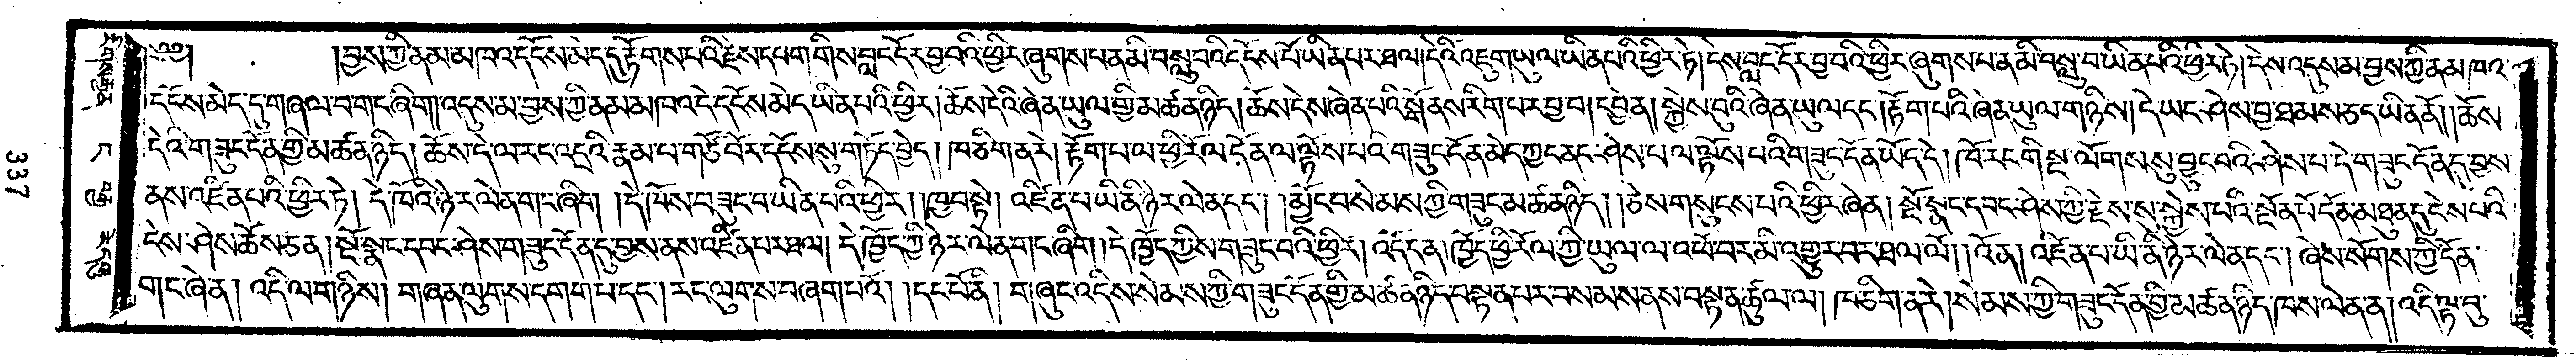༄༅། །བྱས་ཀྱི་ནམ་མཁའ་དངོས་མེད་དུ་རྟོགས་པའི་རྗེས་དཔག་གིས་བླང་དོར་བྱ་བའི་ཕྱིར་ཞུགས་པ་ན་མི་བསླུ་བའི་དངོས་པོ་ཡིན་པར་ཐལ། དེའི་འཇུག་ཡུལ་ཡིན་པའི་ཕྱིར་ཏེ། དེས་བླང་དོར་བྱ་བའི་ཕྱིར་ཞུགས་པ་ན་མི་བསླུ་བ་ཡིན་པའི་ཕྱིར་ཏེ། དེས་འདུས་མ་བྱས་ཀྱི་ནམ་མཁའ་
དངོས་མེད་དུ་གཞལ་བ་གང་ཞིག །འདུས་མ་བྱས་ཀྱི་ནམ་མཁའ་དེ་དངོས་མེད་ཡིན་པའི་ཕྱིར། ཆོས་དེའི་ཞེན་ཡུལ་གྱི་མཚན་ཉིད། ཆོས་དེས་ཞེན་པའི་སྒོ་ནས་རིག་པར་བྱ་བ། དབྱེ་ན། སྐྱེས་བུའི་ཞེན་ཡུལ་དང་། རྟོག་པའི་ཞེན་ཡུལ་གཉིས། དེ་ཡང་ཤེས་བྱ་ཐམས་ཅད་ཡིན་ནོ། །ཆོས་
དེའི་གཟུང་དོན་གྱི་མཚན་ཉིད། ཆོས་དེ་ལ་རང་འདྲའི་རྣམ་པ་གཙོ་བོར་དངོས་སུ་གཏོད་བྱེད། ཁ་ཅིག་ན་རེ། རྟོག་པ་ལ་ཕྱི་རོལ་དོན་ལ་ལྟོས་པའི་གཟུང་དོན་མེད་ཀྱང་ནང་ཤེས་པ་ལ་ལྟོས་པའི་གཟུང་དོན་ཡོད་དེ། ཁོ་རང་གི་སྔ་ལོགས་སུ་བྱུང་བའི་ཤེས་པ་དེ་གཟུང་དོན་དུ་བྱས་
ནས་འཛིན་པའི་ཕྱིར་ཏེ། དེ་ཁོའི་ཉེར་ལེན་གང་ཞིག །དེ་ཁོས་བཟུང་བ་ཡིན་པའི་ཕྱིར། ཁྱབ་སྟེ། འཛིན་པ་ཡི་ནི་ཉེར་ལེན་དང་། །མྱོང་བ་སེམས་ཀྱི་གཟུང་མཚན་ཉིད། །ཅེས་གསུངས་པའི་ཕྱིར་ཞེ་ན། སྔོ་སྣང་དབང་ཤེས་ཀྱི་རྗེས་སུ་སྐྱེས་པའི་སྔོན་པོ་དོན་མཐུན་དུ་ངེས་པའི་
ངེས་ཤེས་ཆོས་ཅན། སྔོ་སྣང་དབང་ཤེས་གཟུང་དོན་དུ་བྱས་ནས་འཛིན་པར་ཐལ། དེ་ཁྱོད་ཀྱི་ཉེར་ལེན་གང་ཞིག །དེ་ཁྱོད་ཀྱིས་གཟུང་བའི་ཕྱིར། འདོད་ན། ཁྱོད་ཕྱི་རོལ་གྱི་ཡུལ་ལ་འཕོ་བར་མི་འགྱུར་བར་ཐལ་ལོ། །འོ་ན། འཛིན་པ་ཡི་ནི་ཉེར་ལེན་དང་། ཞེས་སོགས་ཀྱི་དོན་
གང་ཞེ་ན། འདི་ལ་གཉིས། གཞན་ལུགས་དགག་པ་དང་། རང་ལུགས་བཞག་པའོ། །དང་པོ་ནི། གཞུང་འདིས་སེམས་ཀྱི་གཟུང་དོན་གྱི་མཚན་ཉིད་བསྟན་པར་བསམས་ནས་བསྟན་ཚུལ་ལ། ཁ་ཅིག་ན་རེ། སེམས་ཀྱི་གཟུང་དོན་གྱི་མཚན་ཉིད་ཁས་ལེན་ན། འདི་ལྟ་བུ་